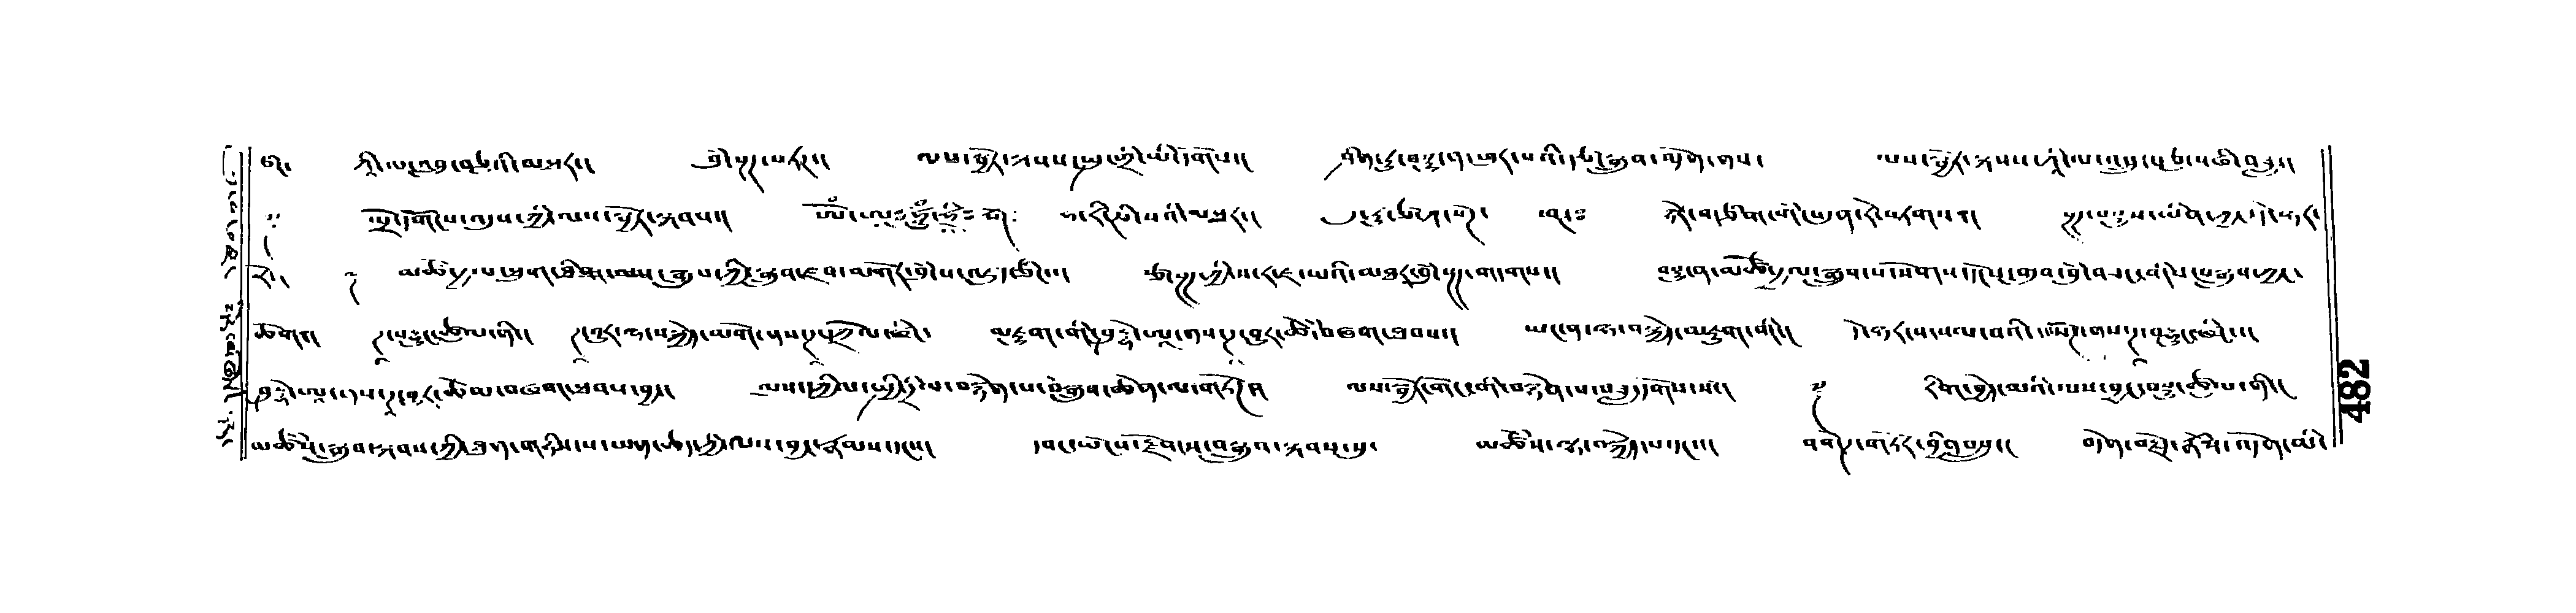ཅིང་། ཀཱི་ལ་འབྲུ་བཅུའི་མཐར་བུམ་སྔགས་བཏགས། ལས་སྦྱོར་སྐབས་སྤུ་གྲི་མི་དགོས། ཤིན་ཏུ་བསྡུ་ན་ཕུར་པའི་རྩ་སྒྲུབ་འདོན་ནས། ལས་སྦྱོར་སྐབས་ཀཱི་ལ་འབྲུ་བཅུ་བཞི་བཟླ། 
༈ མཁའ་འགྲོ་དགོངས་འདུས་ཀྱི་ལས་སྦྱོར་སྐབས། ཨོཾ་ཨཱཿཧཱུྃ་ཧྲཱིཿསོགས། ར་ཧི་ཎི་སའི་མཐར། དུ་རུ་ཙ་ཀ་སོགས། ཕཊཿ ཉེར་གཅིག་གམ་བདུན་རེ་བཏགས། སྔགས་བསྡུས་ཡིན་ཀྱང་དེ་གར་
རོ།། ༈ མཚོ་རྒྱལ་ཐུགས་སྒྲུབ་ཀྱི་སྒྲུབ་ཛབ་མགོར་བུམ་པ་འཛུད་ཅིང་། རྩ་སྔགས་ཀྱི་ས་ར་ཛ་ཡའི་མཐརབུམ་སྔགས་གདགས། བསྡུ་ན་མཚོ་རྒྱལ་སོགས་དངོས་གྲུབ་བུམ་བཟང་གིས་བསྒྲུབ་ཀྱང་
ཆོག ཌཱ་བརྡུང་ཚུལ་ནི། ཌཱ་འུར་ལྷ་བསྐྱེད་འགོ་ནས་ཌཱ་དཀྲོལ་ཞིང་། མཇུག་གི་ཤུདྡྷེ་ཨཱཿནས་ཌཱ་འུར་ཆེམ་བཞག་ཐབས། ཡང་ན་ལྷ་བསྐྱེད་མཇུག་གི དེ་གར་གསལ་བའི་སོགས་ནས་ཌཱ་བརྡུང་ཞིང་། 
ཤུདྷེ་ཨཱཿནས་ཌཱ་འུར་ཆེམ་བཞག་ཐབས་བྱ། ལུས་དཀྱིལ་སྤྱི་དྲིལ་བསྙེན་པ་བསྒྲུབ་ཆེན་ལ་གཏོགས་ན་ལས་སྦྱོར་གོང་གི་བསྙེན་པ་བཟླ་དགོས་སོ།༈ རིག་བྱེད་མའི་ལས་བྱང་བསྡུ་ཚུལ་ནི། 
མཚམས་སྒྲུབ་སྐབས་ཀྱི་ཐུན་གཉིས་པ་ཕན་ཆད་ཀྱི་ལས་བྱང་རྣམས་དང་། དབང་ཡོངས་རྫོགས་བསྒྲུབ་སྐབས་སུ། མཚམས་ལྷ་བསྐྱེད་པ་དང་། བགེགས་གཏོར་བྱིན་རླབས། བདེན་རྗོད་རྣམས་འདོན་མི་